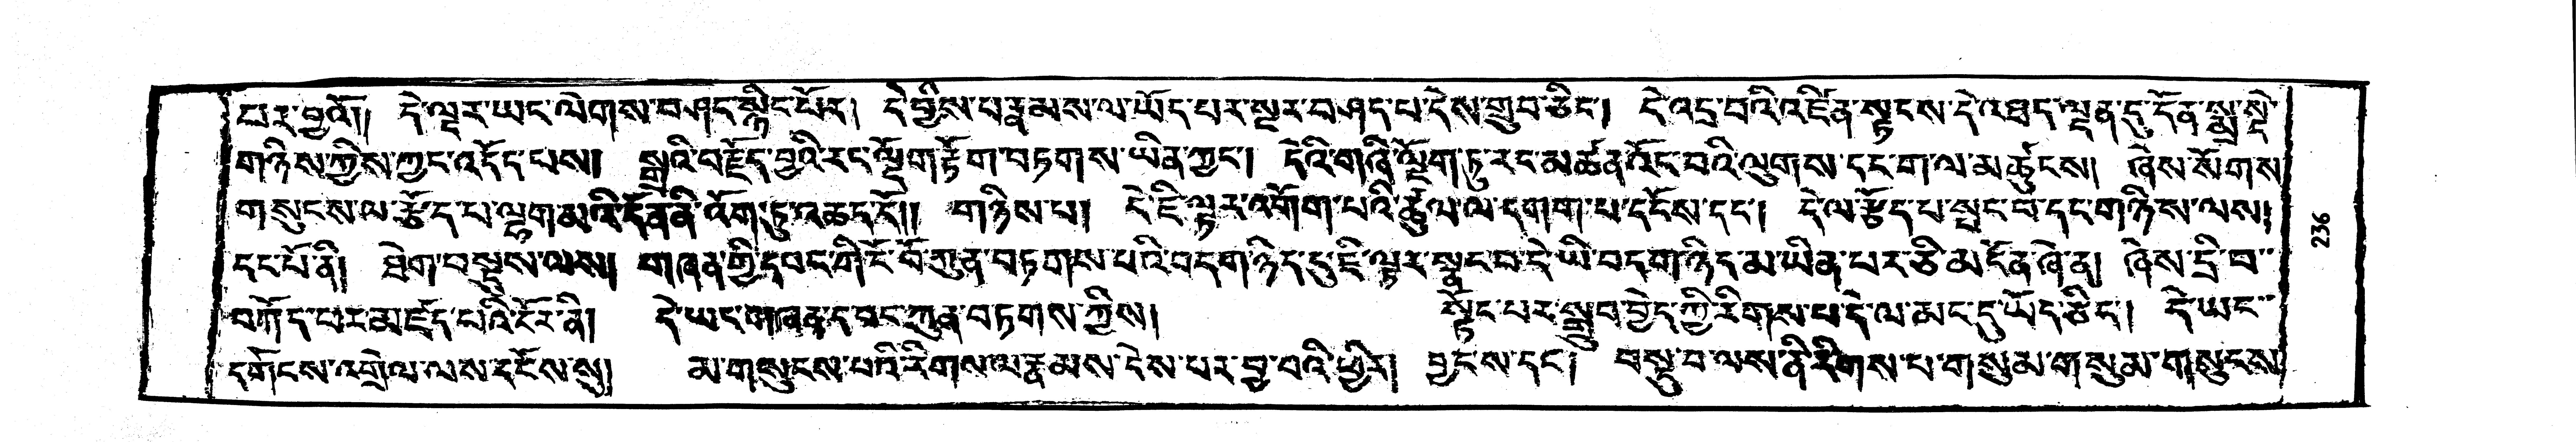པར་བྱའོ། །དེ་ལྟར་ཡང་ལེགས་བཤད་སྙིང་པོར། དེ་བྱིས་པ་རྣམས་ལ་ཡོད་པར་སྔར་བཤད་པ་དེས་གྲུབ་ཅིང་། དེ་འདྲ་བའི་འཛིན་སྟངས་དེ་འཐད་ལྡན་དུ་དོན་སྨྲ་སྡེ་
གཉིས་ཀྱིས་ཀྱང་འདོད་པས། སྒྲའི་བརྗོད་བྱའི་རང་ལྡོག་རྟོག་བཏགས་ཡིན་ཀྱང་། དེའི་གཞི་ལྡོག་ཏུ་རང་མཚན་འོང་བའི་ལུགས་དང་ག་ལ་མཚུངས། ཞེས་སོགས་
གསུངས་ལ་རྩོད་པ་ལྷག་མའི་དོན་ནི་འོག་ཏུ་འཆད་དོ།། གཉིས་པ། དེ་ཇི་ལྟར་འགོག་པའི་ཚུལ་ལ་དགག་པ་དངོས་དང་། དེ་ལ་རྩོད་པ་སྤང་བ་དང་གཉིས་ལས།
དང་པོ་ནི། ཐེག་བསྡུས་ལས། གཞན་གྱི་དབང་གི་ངོ་བོ་ཀུན་བཏགས་པའི་བདག་ཉིད་དུ་ཇི་ལྟར་སྣང་བ་དེ་ཡི་བདག་ཉིད་མ་ཡིན་པར་ཅི་མངོན་ཞེ་ན། ཞེས་དྲི་བ་
བཀོད་པར་མཛད་པའི་ངོར་ནི། དེ་ཡང་གཞན་དབང་ཀུན་བཏགས་ཀྱིས། སྟོང་པར་སྒྲུབ་བྱེད་ཀྱི་རིགས་པ་དེ་ལ་མང་དུ་ཡོད་ཅིང་། དེ་ཡང་
དགོངས་འགྲེལ་ལས་དངོས་སུ། མ་གསུངས་པའི་རིགས་ལ་རྣམས་ངེས་པར་བྱ་བའི་ཕྱིར། བྱང་ས་དང་། བསྡུ་བ་ལས་ནི་རིགས་པ་གསུམ་གསུམ་གསུངས་